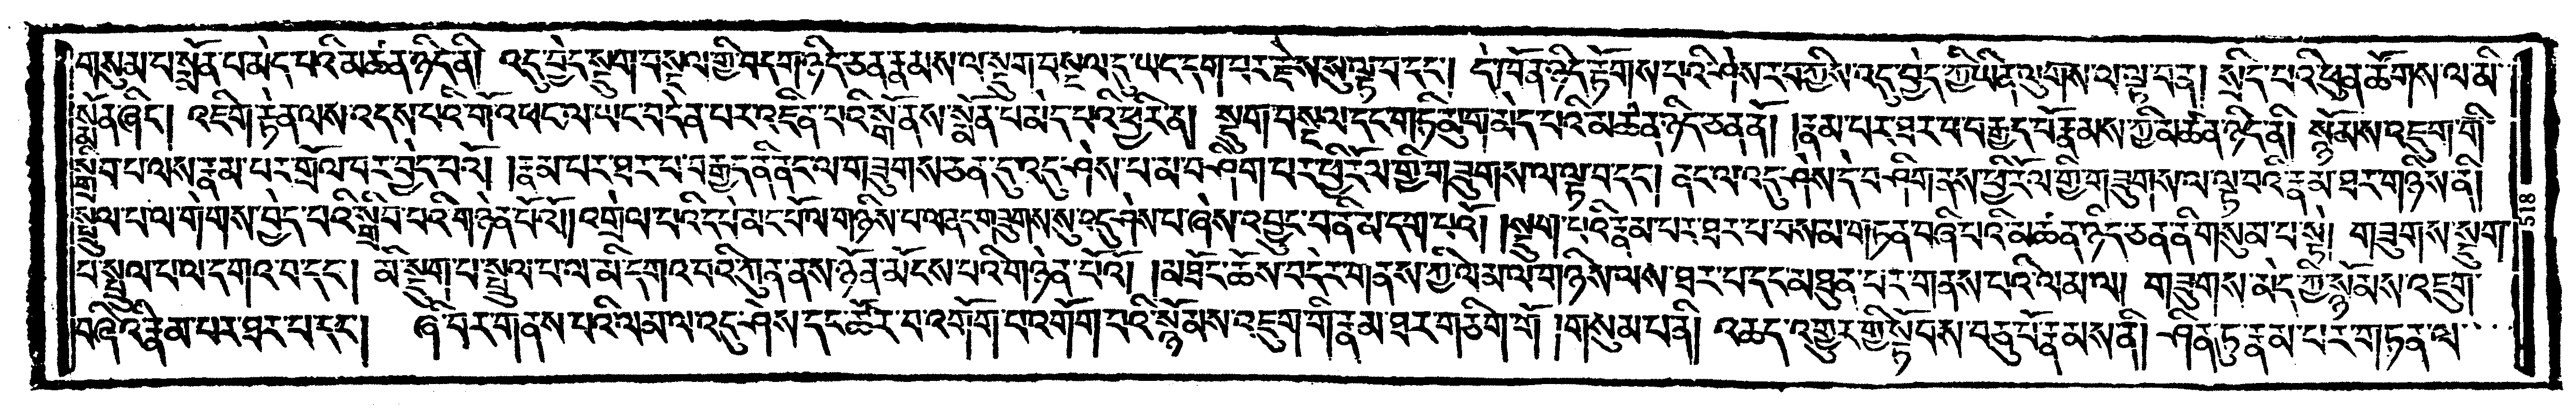གསུམ་པ་སྨོན་པ་མེད་པའི་མཚན་ཉིད་ནི། འདུ་བྱེད་སྡུག་བསྔལ་གྱི་བདག་ཉིད་ཅན་རྣམས་ལ་སྡུག་བསྔལ་དུ་ཡང་དག་པར་རྗེས་སུ་ལྟ་བ་དང་། དེ་ཁོ་ན་ཉིད་རྟོགས་པའི་ཤེས་རབ་ཀྱིས་འདུ་བྱེད་ཀྱི་ཡིན་ལུགས་ལ་ལྟ་བ་ན། སྲིད་པའི་ཕུན་ཚོགས་ལ་མི་
སྨོན་ཞིང་། །འཇིག་རྟེན་ལས་འདས་པའི་གོ་འཕང་ལ་ཡང་བདེན་པར་འཛིན་པའི་སྒོ་ནས་སྨོན་པ་མེད་པའི་ཕྱིར་ན། སྡུག་བསྔལ་དང་གཏི་མུག་མེད་པའི་མཚན་ཉིད་ཅན་ནོ། །རྣམ་པར་ཐར་པ་བརྒྱད་པོ་རྣམས་ཀྱི་མཚན་ཉིད་ནི། སྙོམས་འཇུག་གི་
སྒྲིབ་པ་ལས་རྣམ་པར་གྲོལ་བར་བྱེད་པའོ། །རྣམ་པར་ཐར་པ་བརྒྱད་ནི་ནང་ལ་གཟུགས་ཅན་དུ་འདུ་ཤེས་པ་མ་བཤིག་པར་ཕྱི་རོལ་གྱི་གཟུགས་ལ་ལྟ་བ་དང་། ནང་ལ་འདུ་ཤེས་དེ་བཤིག་ནས་ཕྱི་རོལ་གྱི་གཟུགས་ལ་ལྟ་བའི་རྣམ་ཐར་གཉིས་ནི།
སྤྲུལ་པ་ལ་གེགས་བྱེད་པའི་སྒྲིབ་པའི་གཉེན་པོའོ། །འགྲེལ་པའི་དཔེ་མང་པོ་ལ་གཉིས་པ་ལ་ནང་གཟུགས་སུ་འདུ་ཤེས་པ་ཞེས་འབྱུང་བ་ནི་མ་དག་པའོ། །སྡུག་པའི་རྣམ་པར་ཐར་པ་བསམ་གཏན་བཞི་པའི་མཚན་ཉིད་ཅན་ནི་གསུམ་པ་སྟེ། གཟུགས་སྡུག་
པ་སྤྲུལ་པ་ལ་དགའ་བ་དང་། མི་སྡུག་པ་སྤྲུལ་པ་ལ་མི་དགའ་བའི་ཀུན་ནས་ཉོན་མོངས་པའི་གཉེན་པོའོ། །མཐོང་ཆོས་བདེར་གནས་ཀྱི་ལམ་ལ་གཉིས་ལས་ཐར་པ་དང་མཐུན་པར་གནས་པའི་ལམ་ལ། གཟུགས་མེད་ཀྱི་སྙོམས་འཇུག་
བཞིའི་རྣམ་པར་ཐར་པ་དང་། ཞི་བར་གནས་པའི་ལམ་ལ་འདུ་ཤེས་དང་ཚོར་བ་འགོག་པ་འགོག་པའི་སྙོམས་འཇུག་གི་རྣམ་ཐར་གཅིག་གོ །གསུམ་པ་ནི། འཆད་འགྱུར་གྱི་སྟོབས་བཅུ་པོ་རྣམས་ནི། ཤིན་ཏུ་རྣམ་པར་གཏན་ལ་